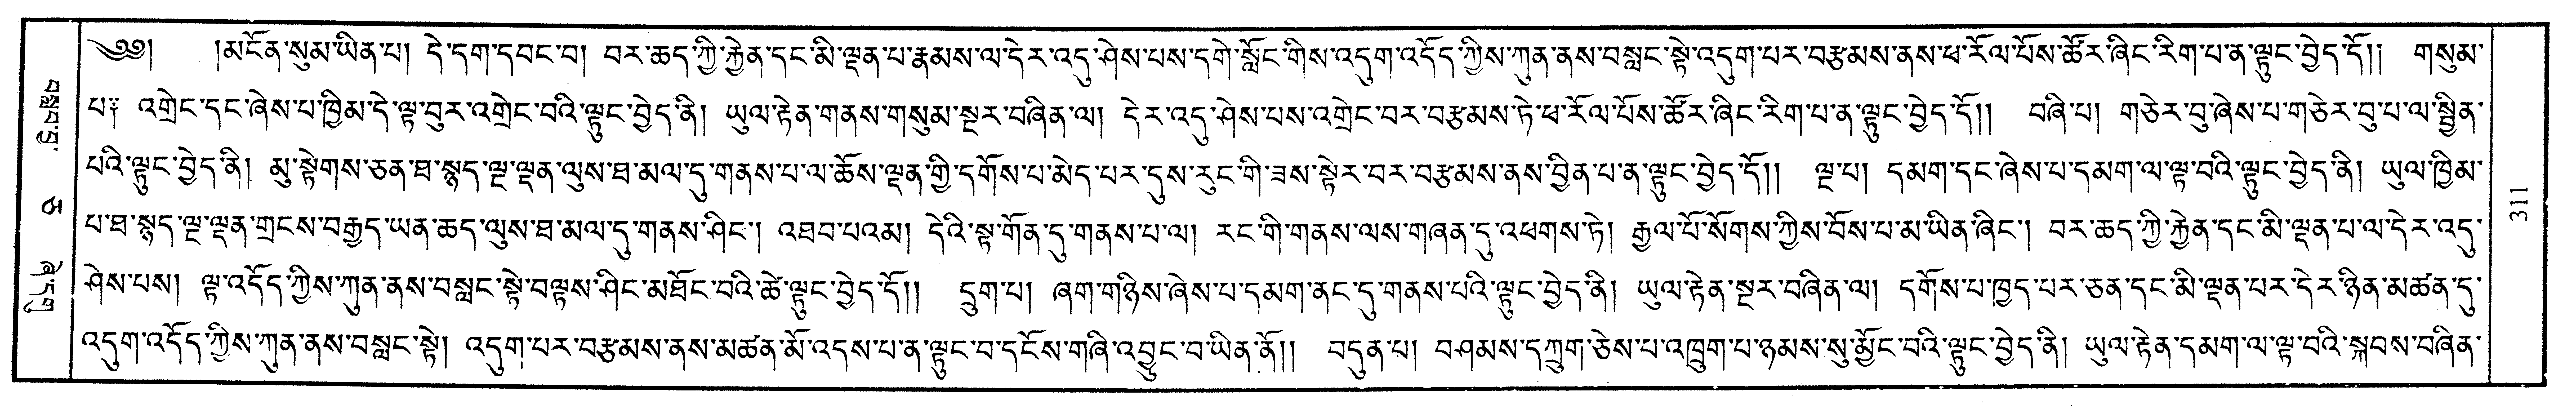༄༅། །མངོན་སུམ་ཡིན་པ། དེ་དག་དབང་བ། བར་ཆད་ཀྱི་རྐྱེན་དང་མི་ལྡན་པ་རྣམས་ལ་དེར་འདུ་ཤེས་པས་དགེ་སློང་གིས་འདུག་འདོད་ཀྱིས་ཀུན་ནས་བསླང་སྟེ་འདུག་པར་བརྩམས་ནས་ཕ་རོལ་པོས་ཚོར་ཞིང་རིག་པ་ན་ལྟུང་བྱེད་དོ།། གསུམ་
པ༑ འགྲེང་དང་ཞེས་པ་ཁྱིམ་དེ་ལྟ་བུར་འགྲེང་བའི་ལྟུང་བྱེད་ནི། ཡུལ་རྟེན་གནས་གསུམ་སྔར་བཞིན་ལ། དེར་འདུ་ཤེས་པས་འགྲེང་བར་བརྩམས་ཏེ་ཕ་རོལ་པོས་ཚོར་ཞིང་རིག་པ་ན་ལྟུང་བྱེད་དོ།། བཞི་པ། གཅེར་བུ་ཞེས་པ་གཅེར་བུ་པ་ལ་སྦྱིན་
པའི་ལྟུང་བྱེད་ནི། མུ་སྟེགས་ཅན་ཐ་སྙད་ལྔ་ལྡན་ལུས་ཐ་མལ་དུ་གནས་པ་ལ་ཆོས་ལྡན་གྱི་དགོས་པ་མེད་པར་དུས་རུང་གི་ཟས་སྟེར་བར་བརྩམས་ནས་བྱིན་པ་ན་ལྟུང་བྱེད་དོ།། ལྔ་པ། དམག་དང་ཞེས་པ་དམག་ལ་ལྟ་བའི་ལྟུང་བྱེད་ནི། ཡུལ་ཁྱིམ་
པ་ཐ་སྙད་ལྔ་ལྡན་གྲངས་བརྒྱད་ཡན་ཆད་ལུས་ཐ་མལ་དུ་གནས་ཤིང་། འཐབ་པའམ། དེའི་སྟ་གོན་དུ་གནས་པ་ལ། རང་གི་གནས་ལས་གཞན་དུ་འཕགས་ཏེ། རྒྱལ་པོ་སོགས་ཀྱིས་བོས་པ་མ་ཡིན་ཞིང་། བར་ཆད་ཀྱི་རྐྱེན་དང་མི་ལྡན་པ་ལ་དེར་འདུ་
ཤེས་པས། ལྟ་འདོད་ཀྱིས་ཀུན་ནས་བསླང་སྟེ་བལྟས་ཤིང་མཐོང་བའི་ཚེ་ལྟུང་བྱེད་དོ།། དྲུག་པ། ཞག་གཉིས་ཞེས་པ་དམག་ནང་དུ་གནས་པའི་ལྟུང་བྱེད་ནི། ཡུལ་རྟེན་སྔར་བཞིན་ལ། དགོས་པ་ཁྱད་པར་ཅན་དང་མི་ལྡན་པར་དེར་ཉིན་མཚན་དུ་
འདུག་འདོད་ཀྱིས་ཀུན་ནས་བསླང་སྟེ། འདུག་པར་བརྩམས་ནས་མཚན་མོ་འདས་པ་ན་ལྟུང་བ་དངོས་གཞི་འབྱུང་བ་ཡིན་ནོ།། བདུན་པ། བཤམས་དཀྲུག་ཅེས་པ་འཁྲུག་པ་ཉམས་སུ་མྱོང་བའི་ལྟུང་བྱེད་ནི། ཡུལ་རྟེན་དམག་ལ་ལྟ་བའི་སྐབས་བཞིན་